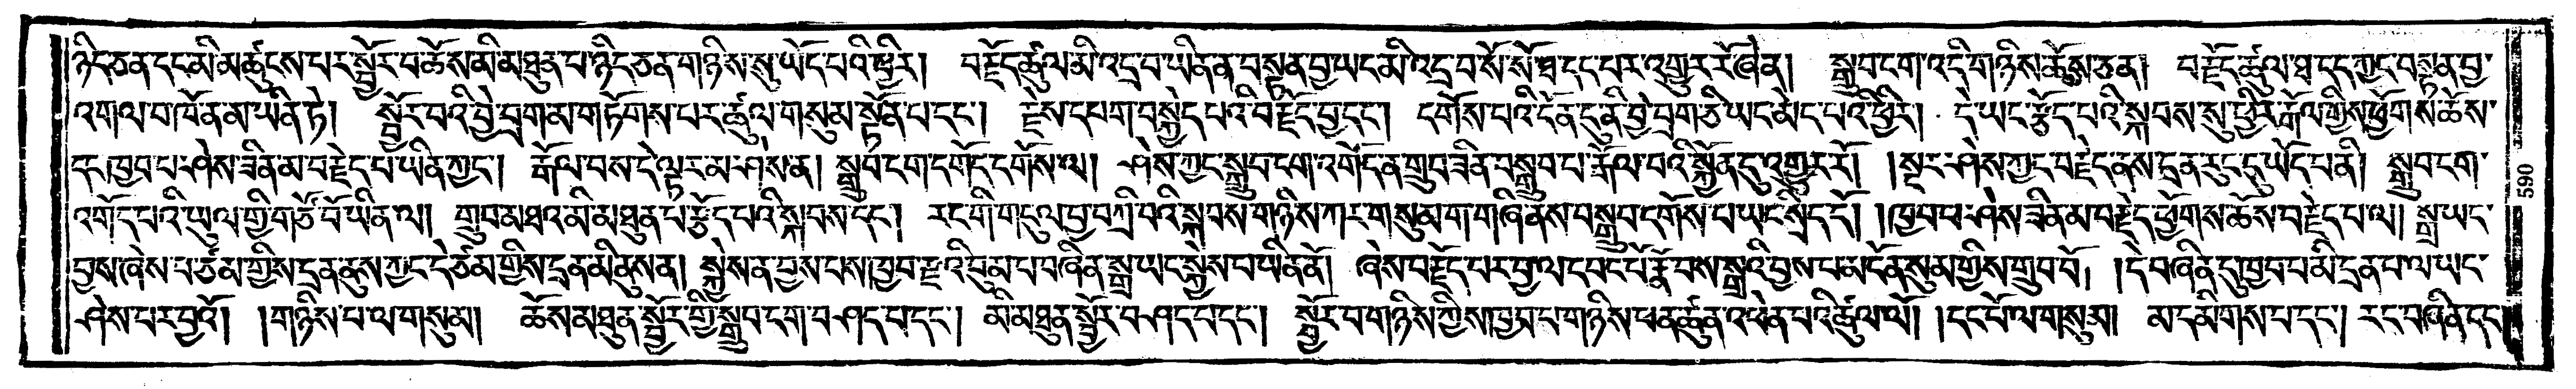ཉིད་ཅན་དང་མི་མཚུངས་པར་སྦྱོར་བ་ཆོས་མི་མཐུན་པ་ཉིད་ཅན་གཉིས་སུ་ཡོད་པའི་ཕྱིར། བརྗོད་ཚུལ་མི་འདྲ་བ་ཡིན་ན་བསྟན་བྱ་ཡང་མི་འདྲ་བ་སོ་སོ་ཐ་དད་པར་འགྱུར་རོ་ཞེ་ན། སྒྲུབ་ངག་འདི་གཉིས་ཆོས་ཅན། བརྗོད་ཚུལ་ཐ་དད་ཀྱང་བསྟན་བྱ་
འགལ་བ་ཁོ་ན་མ་ཡིན་ཏེ། སྦྱོར་བའི་བྱེ་བྲག་མ་གཏོགས་པར་ཚུལ་གསུམ་སྟོན་པ་དང་། རྗེས་དཔག་བསྐྱེད་པའི་བརྗོད་བྱ་དང་། དགོས་པའི་དོན་དུ་ནི་བྱེ་བྲག་ཅི་ཡང་མེད་པའི་ཕྱིར། དེ་ཡང་རྩོད་པའི་སྐབས་སུ་ཕྱིར་རྒོལ་གྱིས་ཕྱོགས་ཆོས་
དང་ཁྱབ་པ་ཤེས་ཟིན་མ་བརྗེད་པ་ཡིན་ཀྱང་། རྒོལ་བས་དེ་ལྟར་མ་ཤེས་ན། སྒྲུབ་དག་དགོད་དགོས་ལ། ཤེས་ཀྱང་སྒྲུབ་དག་འགོད་ན་གྲུབ་ཟིན་བསྒྲུབ་པ་རྒོལ་བའི་སྐྱོན་དུ་འགྱུར་རོ། །སྔར་ཤེས་ཀྱང་བརྗེད་ནས་དྲན་རུང་དུ་ཡོད་པ་ནི། སྒྲུབ་ངག་
འགོད་པའི་ཡུལ་གྱི་གཙོ་བོ་ཡིན་ལ། གྲུབ་མཐའ་མི་མཐུན་པ་རྩོད་པའི་སྐབས་དང་། རང་གི་གདུལ་བྱ་བཀྲི་བའི་སྐབས་གཉིས་ཀར་གསུམ་ག་གཞི་ནས་བསྒྲུབ་དགོས་པ་ཡང་སྲིད་དོ། །ཁྱབ་པ་ཤེས་ཟིན་མ་བརྗེད་ཕྱོགས་ཆོས་བརྗོད་པ་ལ། སྒྲ་ཡང་
བྱས་ཞེས་པ་ཙམ་གྱིས་དྲན་ནུས་ཀྱང་དེ་ཙམ་གྱིས་དྲན་མི་ནུས་ན། སྐྱེས་ན་བྱས་པས་ཁྱབ་རྫའི་བུམ་པ་བཞིན་སྒྲ་ཡང་སྐྱེས་པ་ཡིན་ནོ། ཞེས་བརྗོད་པར་བྱ་ལ་དབང་པོ་རྣོ་བས་སྒྲའི་བྱས་པ་མངོན་སུམ་གྱིས་གྲུབ་བོ། །དེ་བཞིན་དུ་ཁྱབ་པ་མི་དྲན་པ་ལ་ཡང་
ཤེས་པར་བྱའོ། །གཉིས་པ་ལ་གསུམ། ཆོས་མཐུན་སྦྱོར་གྱི་སྒྲུབ་ངག་བཤད་པ་དང་། མི་མཐུན་སྦྱོར་བཤད་པ་དང་། སྦྱོར་བ་གཉིས་ཀྱིས་ཁྱབ་པ་གཉིས་ཕན་ཚུན་འཕེན་པའི་ཚུལ་ལོ། །དང་པོ་ལ་གསུམ། མ་དམིགས་པ་དང་། རང་བཞིན་དང་